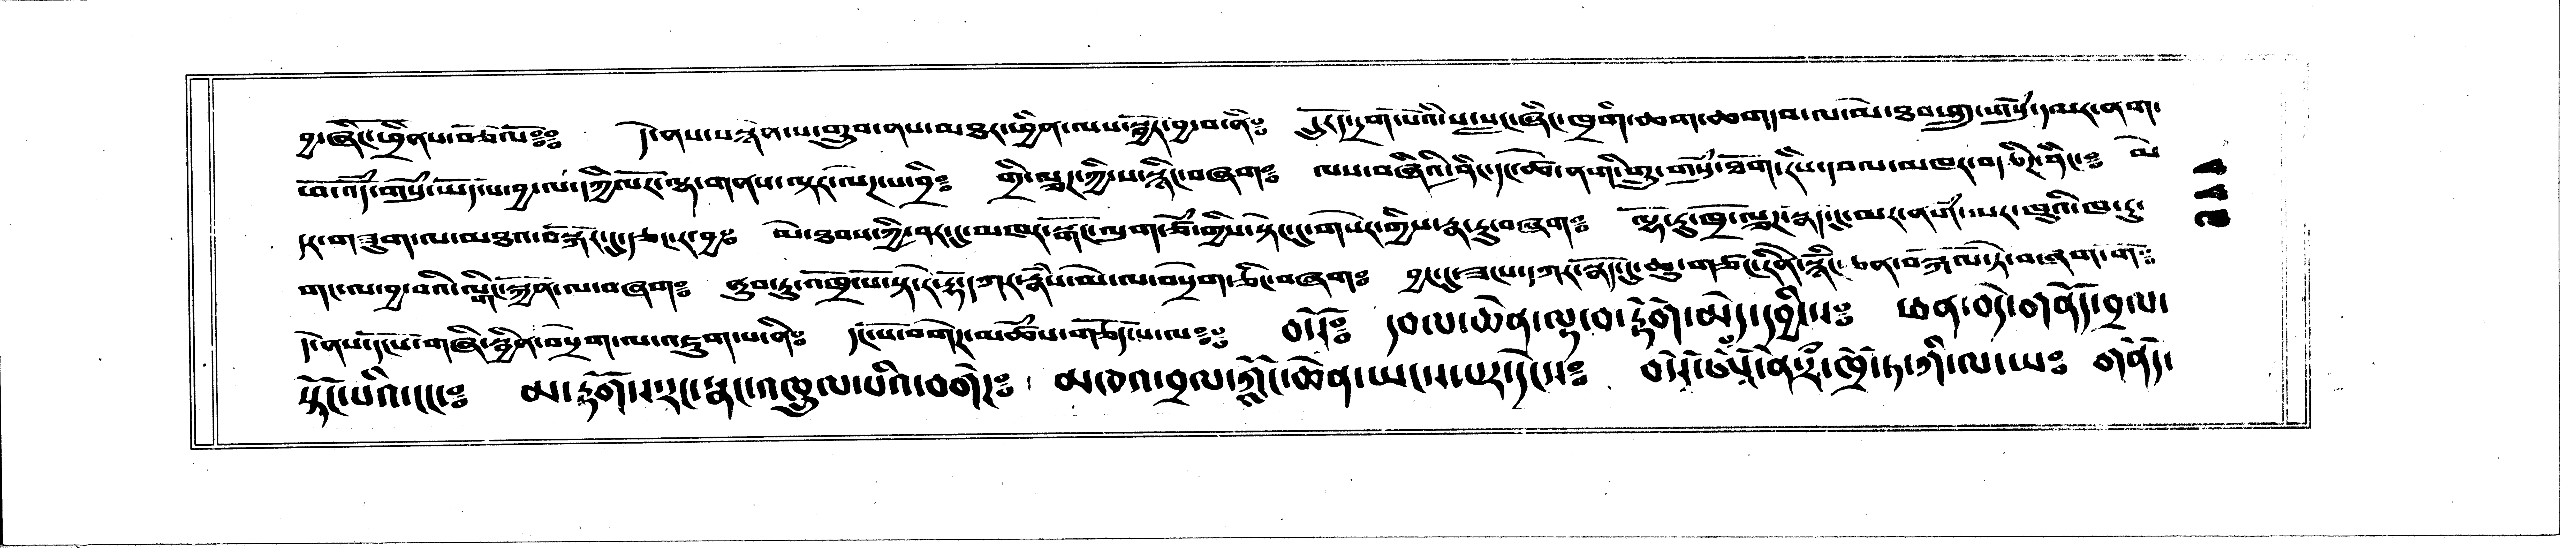བྱ་ཞིང་ཕྲིན་ལས་བཅོལ་ལོ༔༔ དེ་ནས་བསྙེན་པ་གྲུབ་ནས་མཐར་ཕྱིན་ལས་སྦྱོར་བྱ་བ་ནི༔དུར་ཁྲོད་དྲག་པོའི་ས་སླང་ཞིང་ཁྲག་གི་ཆག་ཆག་གདབ་ལ་མེ་ཐབ་གྲུ་གསུམ་དམར་ནག་
ཕོ་འདོམ་གསུམ་ཡོད་པ་བྱ་ལ་དཀྱིལ་འཁོར་ལྷ་གནས་ལྟར་ལོགས་པ་བྲི༔ གྲི་ལྕགས་ཀྱི་ས་སྙིང་བཞག༔ལས་བཞིའི་ཤིང་དང་ཚེར་ནག་གི་གྲུ་གསུམ་ཐོག་རིས་དབལ་མཁར་བརྩིགས་ཤིང་༔མེ་
དར་གཟུག་ལ་མཐའ་བསྐོར་དུ་རྩང་ར་བྱ༔མེ་ཐབས་ཀྱི་ཤར་དུ་མཁར་སྒོང་ལུག་ཙམ་གྱི་སྟེང་དུ་གསེར་གྱི་རྣ་རུ་བཞག༔ལྷོ་རུ་ཁྲོ་ལྕགས་སྣོད་དུ་མར་ནག་གམ་མར་ཁུའི་ཁ་རུ་
གང་ལ་བྱ་བའི་ལྒིང་སྐྱོན་ལ་བཞག༔ནུབ་ཏུ་འཁྲོ་པོ་སྟ་རེ་རྡོ་དཀར་རྣམས་མེ་ལ་བསྲེག་ཅིང་བཞག༔བྱང་དུ་ཟངས་དཀར་སྣོད་དུ་ཆུ་གཙང་རིན་ཆེན་སྙིང་ཅན་བསྐོལ་ཏེ་བཞག་གོ༔
དེ་ནས་དངོས་གཞི་སྦྱིན་སྲེག་ལ་འཇུག་པ་ནི༔དང་པོ་བགེགས་མཚམས་གཅོད་པ་ལ༔བསྭོ༔དབལ་ཆེན་ལྟ་བ་རྟོག་མེད་དབྱིངས༔ཕན་བདེ་གནོད་བྲལ་
སྟོང་པའི་ངང༔མ་རྟོགས་རང་སྣང་འཁྲུལ་པའི་བགེགས༔མཁའ་བྲལ་ཀློང་ཆེན་ཡངས་པར་དེངས༔བསྭོ་ཨཱོཾ་ནེ་རཾ་ཁྲོ་ཏ་ཀི་ལ་ཡ༔གནོད་